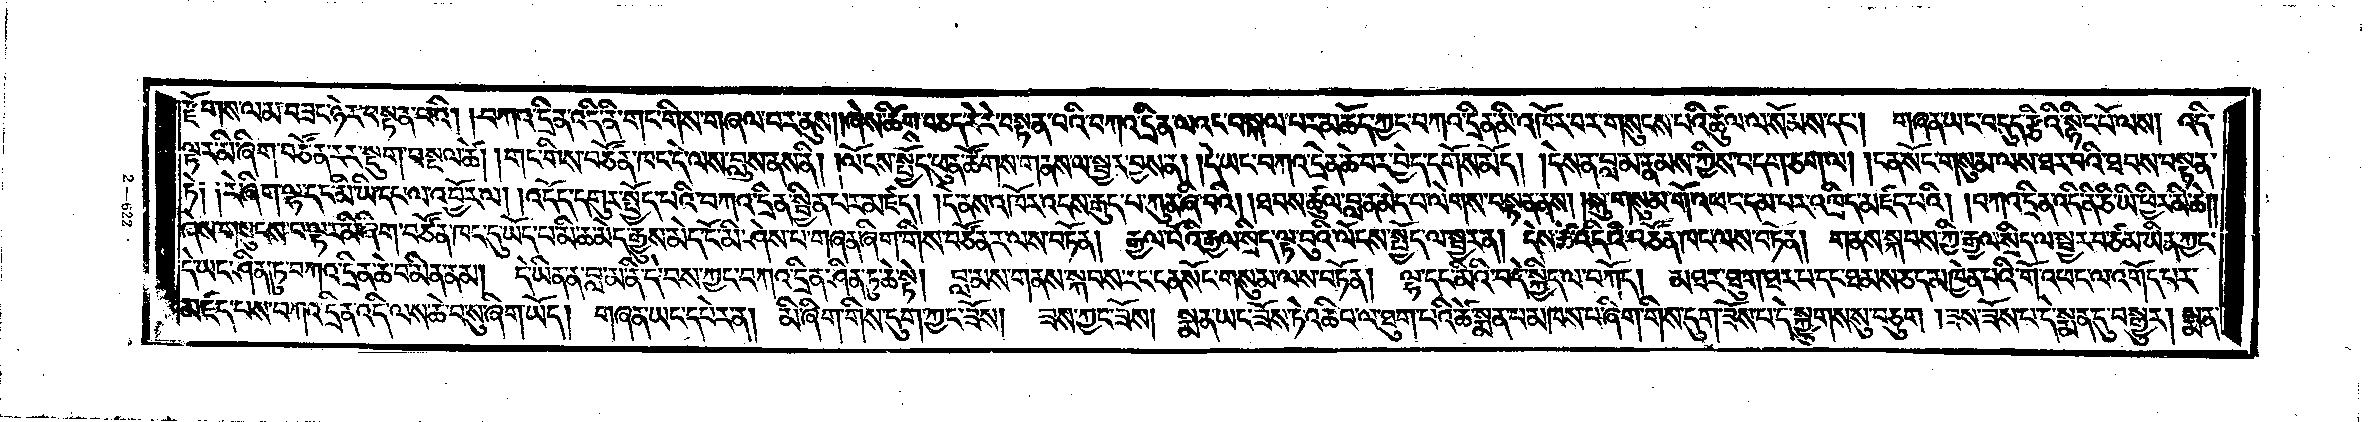རྫོགས་ལམ་བཟང་ཉེར་བསྟན་པའི། །བཀའ་དྲིན་འདི་ནི་གང་གིས་གཞལ་བར་ནུས། །ཞེས་ཚིགས་བཅད་རེ་རེ་བསྟན་པའི་བཀའ་དྲིན་ལའང་བསྐལ་པར་མཆོད་ཀྱང་བཀའ་དྲིན་མི་འཁོར་བར་གསུངས་པའི་ཚུལ་ལ་སོམས་དང་། གཞན་ཡང་བདུད་རྩིའི་སྙིང་པོ་ལས། འདི་
ལྟར་མི་ཞིག་བཙོན་རར་སྡུག་བསྔལ་ཚེ། །གང་གིས་བཙོན་ཁང་དེ་ལས་བླུས་ནས་ནི། །ལོངས་སྤྱོད་ཕུན་ཚོགས་གནས་ལ་སྦྱར་བྱས་ན། །དེ་ཡང་བཀའ་དྲིན་ཆེ་བར་བྱེད་དགོས་མོད། །དེས་ན་བླ་མ་རྣམས་ཀྱིས་བདག་ཅག་ལ། །ངན་སོང་གསུམ་ལས་ཐར་བའི་ཐབས་བསྟན་
ཏེ༑ ༑རེ་ཞིག་ལྷ་དང་མི་ཡི་དཔལ་འབྱོར་ལ། །འདོད་དགུར་སྤྱོད་པའི་བཀའ་དྲིན་སྦྱིན་པར་མཛད། །དེ་ནས་འཁོར་འདས་རྒུད་པ་ཀུན་ཞི་བའི། །ཐབས་ཚུལ་བླ་ན་མེད་པ་ལེགས་བསྟན་ནས། །སྐུ་གསུམ་གོ་འཕང་དམ་པར་འཁྲིད་མཛད་པའི། །བཀའ་དྲིན་འདི་ནི་ཅི་ཡི་ཕྱིར་མི་ཆེ། །
ཞེས་གསུངས་པ་ལྟར་མི་ཞིག་བཙོན་ཁང་དུ་ཡོད་པ་མི་ཆ་མེད་རྒྱུས་མེད་ངོ་མི་ཤེས་པ་གཞན་ཞིག་གིས་བརྩོན་ར་ལས་བཏོན། །རྒྱལ་བོའི་རྒྱལ་སྲིད་ལྟ་བུའི་ལོངས་སྤྱོད་ལ་སྦྱར་ན། དེས་ཚེ་འདིའི་བཙོན་ཁང་ལས་བཏོན། གནས་སྐབས་ཀྱི་རྒྱལ་སྲིད་ལ་སྦྱར་བ་ཙམ་ཡིན་ཀྱང་
དེ་ཡང་ཤིན་ཏུ་བཀའ་དྲིན་ཆེ་བ་མིན་ནམ། དེ་ཡིན་ན་བླ་མ་ནི་དེ་བས་ཀྱང་བཀའ་དྲིན་ཤིན་ཏུ་ཆེ་སྟེ། བླ་མས་གནས་སྐབས་རང་ངན་སོང་གསུམ་ལས་བཏོན། ལྷ་དང་མིའི་བདེ་སྐྱིད་ལ་བཀོད། མཐར་ཐུག་ཐར་པ་དང་ཐམས་ཅད་མཁྱེན་པའི་གོ་འཕང་ལ་འགོད་པར་
མཛད་པས་བཀའ་དྲིན་འདི་ལས་ཆེ་བ་སུ་ཞིག་ཡོད། གཞན་ཡང་དཔེར་ན། མི་ཞིག་གིས་དུག་ཀྱང་ཟོས། ཟས་ཀྱང་ཟོས། སྨན་ཡང་ཟོས་ཏེ་འཆི་བ་ལ་ཐུག་པའི་ཚེ་སྨན་པ་མཁས་པ་ཞིག་གིས་དུག་ཟོས་པ་དེ་སྐྱུགས་སུ་བཅུག །ཟས་ཟོས་པ་དེ་སྨན་དུ་བསྒྱུར། སྨན་